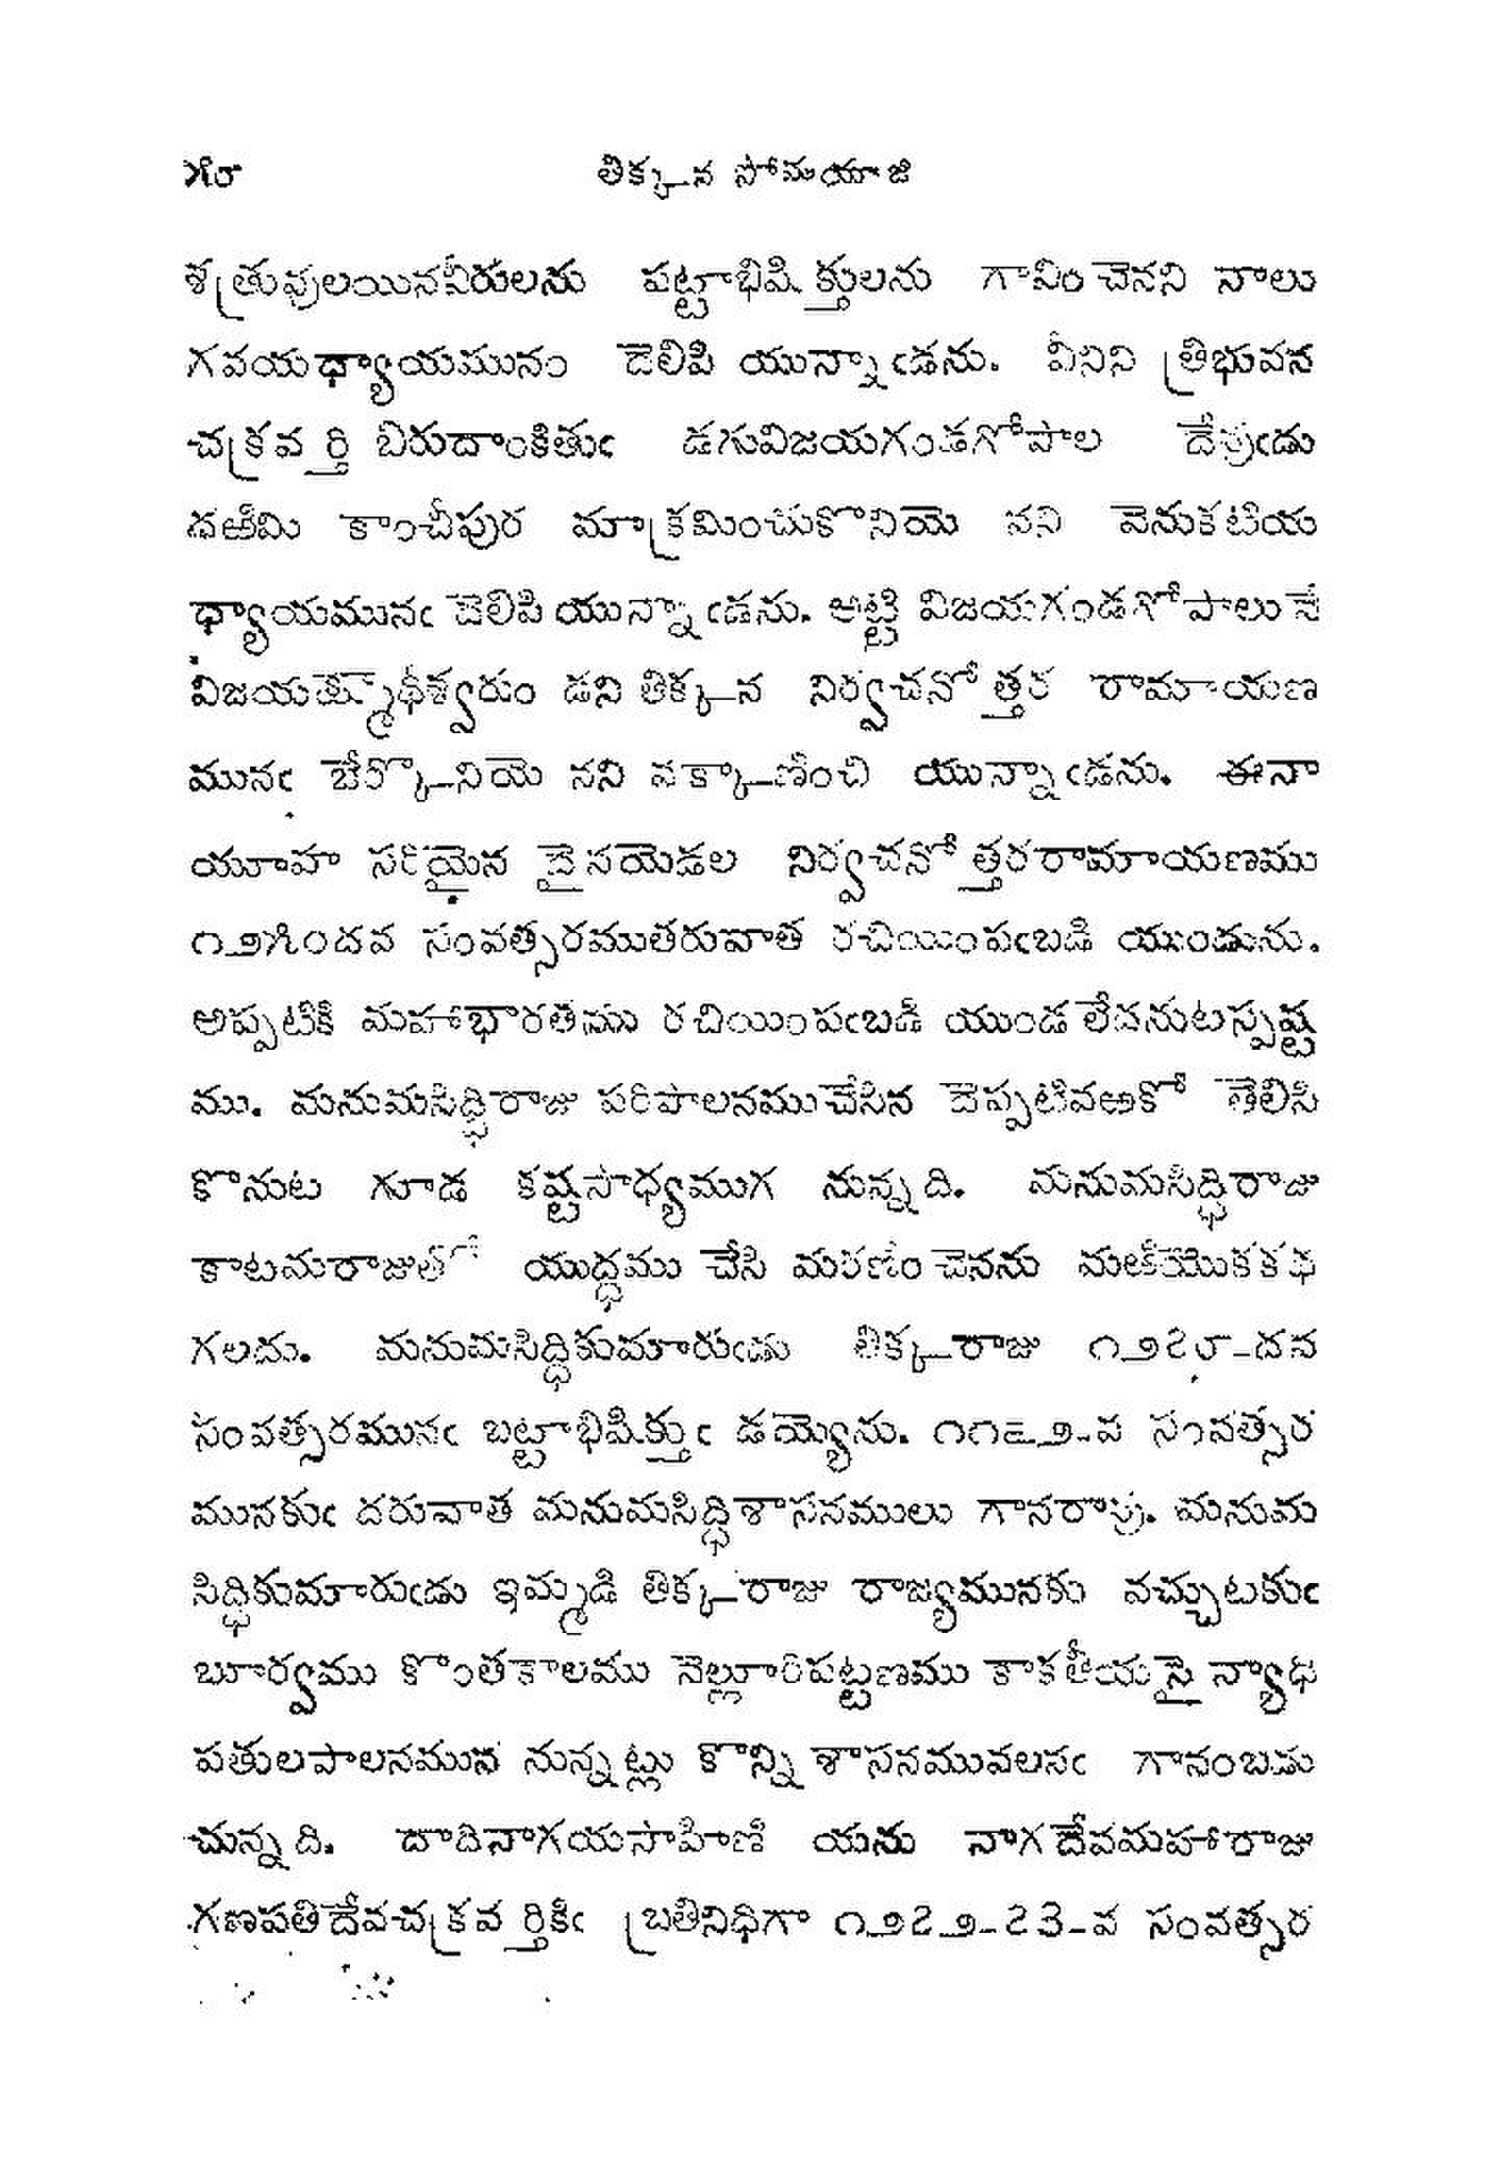శత్రువులయినవీరులను పట్టాభిషిక్తులను గావించెనని నాలుగవయధ్యాయమునం దెలిపి యున్నాఁడను. వీనిని త్రిభువనచక్రవర్తి బిరుదాంకితుఁ డగువిజయగండగోపాల దేవుఁడు దఱిమి కాంచీపుర మాక్రమించుకొనియె నని వెనుకటియధ్యాయమునఁ దెలిపి యున్నాఁడను. అట్టి విజయగండగోపాలునే విజయక్ష్మాథీశ్వరుం డని తిక్కన నిర్వచనోత్తర రామాయణమునఁ బేర్కొనియె నని వక్కాణించి యున్నాఁడను. ఈనా యూహ సరియైన దైనయెడల నిర్వచనోత్తర రామాయణము 1250 దవ సంవత్సరముతరువాత రచియింపఁబడి యుండును. అప్పటికి మహాభారతము రచియింపఁబడి యుండలేదనుటస్పష్టము. మనుమసిద్దిరాజు పరిపాలనము చేసిన దెప్పటివఱకో తెలిసికొనుట గూడ కష్టసాధ్యముగ నున్నది. మనుమసిద్దిరాజు కాటమరాజుతో యుద్ధము చేసి మరణించెనను మఱియొకకథ గలదు. మనుమసిద్ధికుమారుఁడు తిక్కరాజు 1258-దవ సంవత్సరమునఁ బట్టాభిషిక్తుఁ డయ్యెను. 1262 వ సంవత్సరమునకుఁ దరువాత మనుమసిద్దిశాసనములు గానరాపు. మనుమసిద్ధికుమారుఁడు ఇమ్మడి తిక్కరాజు రాజ్యమునకు వచ్చుటకుఁ బూర్వము కొంతకాలము నెల్లూరిపట్టణము కాకతీయ సైన్యాధిపతుల పాలనమున నున్నట్లు కొన్ని శాసనమువలనఁ గానంబడు చున్నది. దాదినాగయసాహిణి యను నాగదేవమహారాజు గణపతిదేవచక్రవర్తికిఁ బ్రతినిధిగా 1272-73 వ సంవత్సర